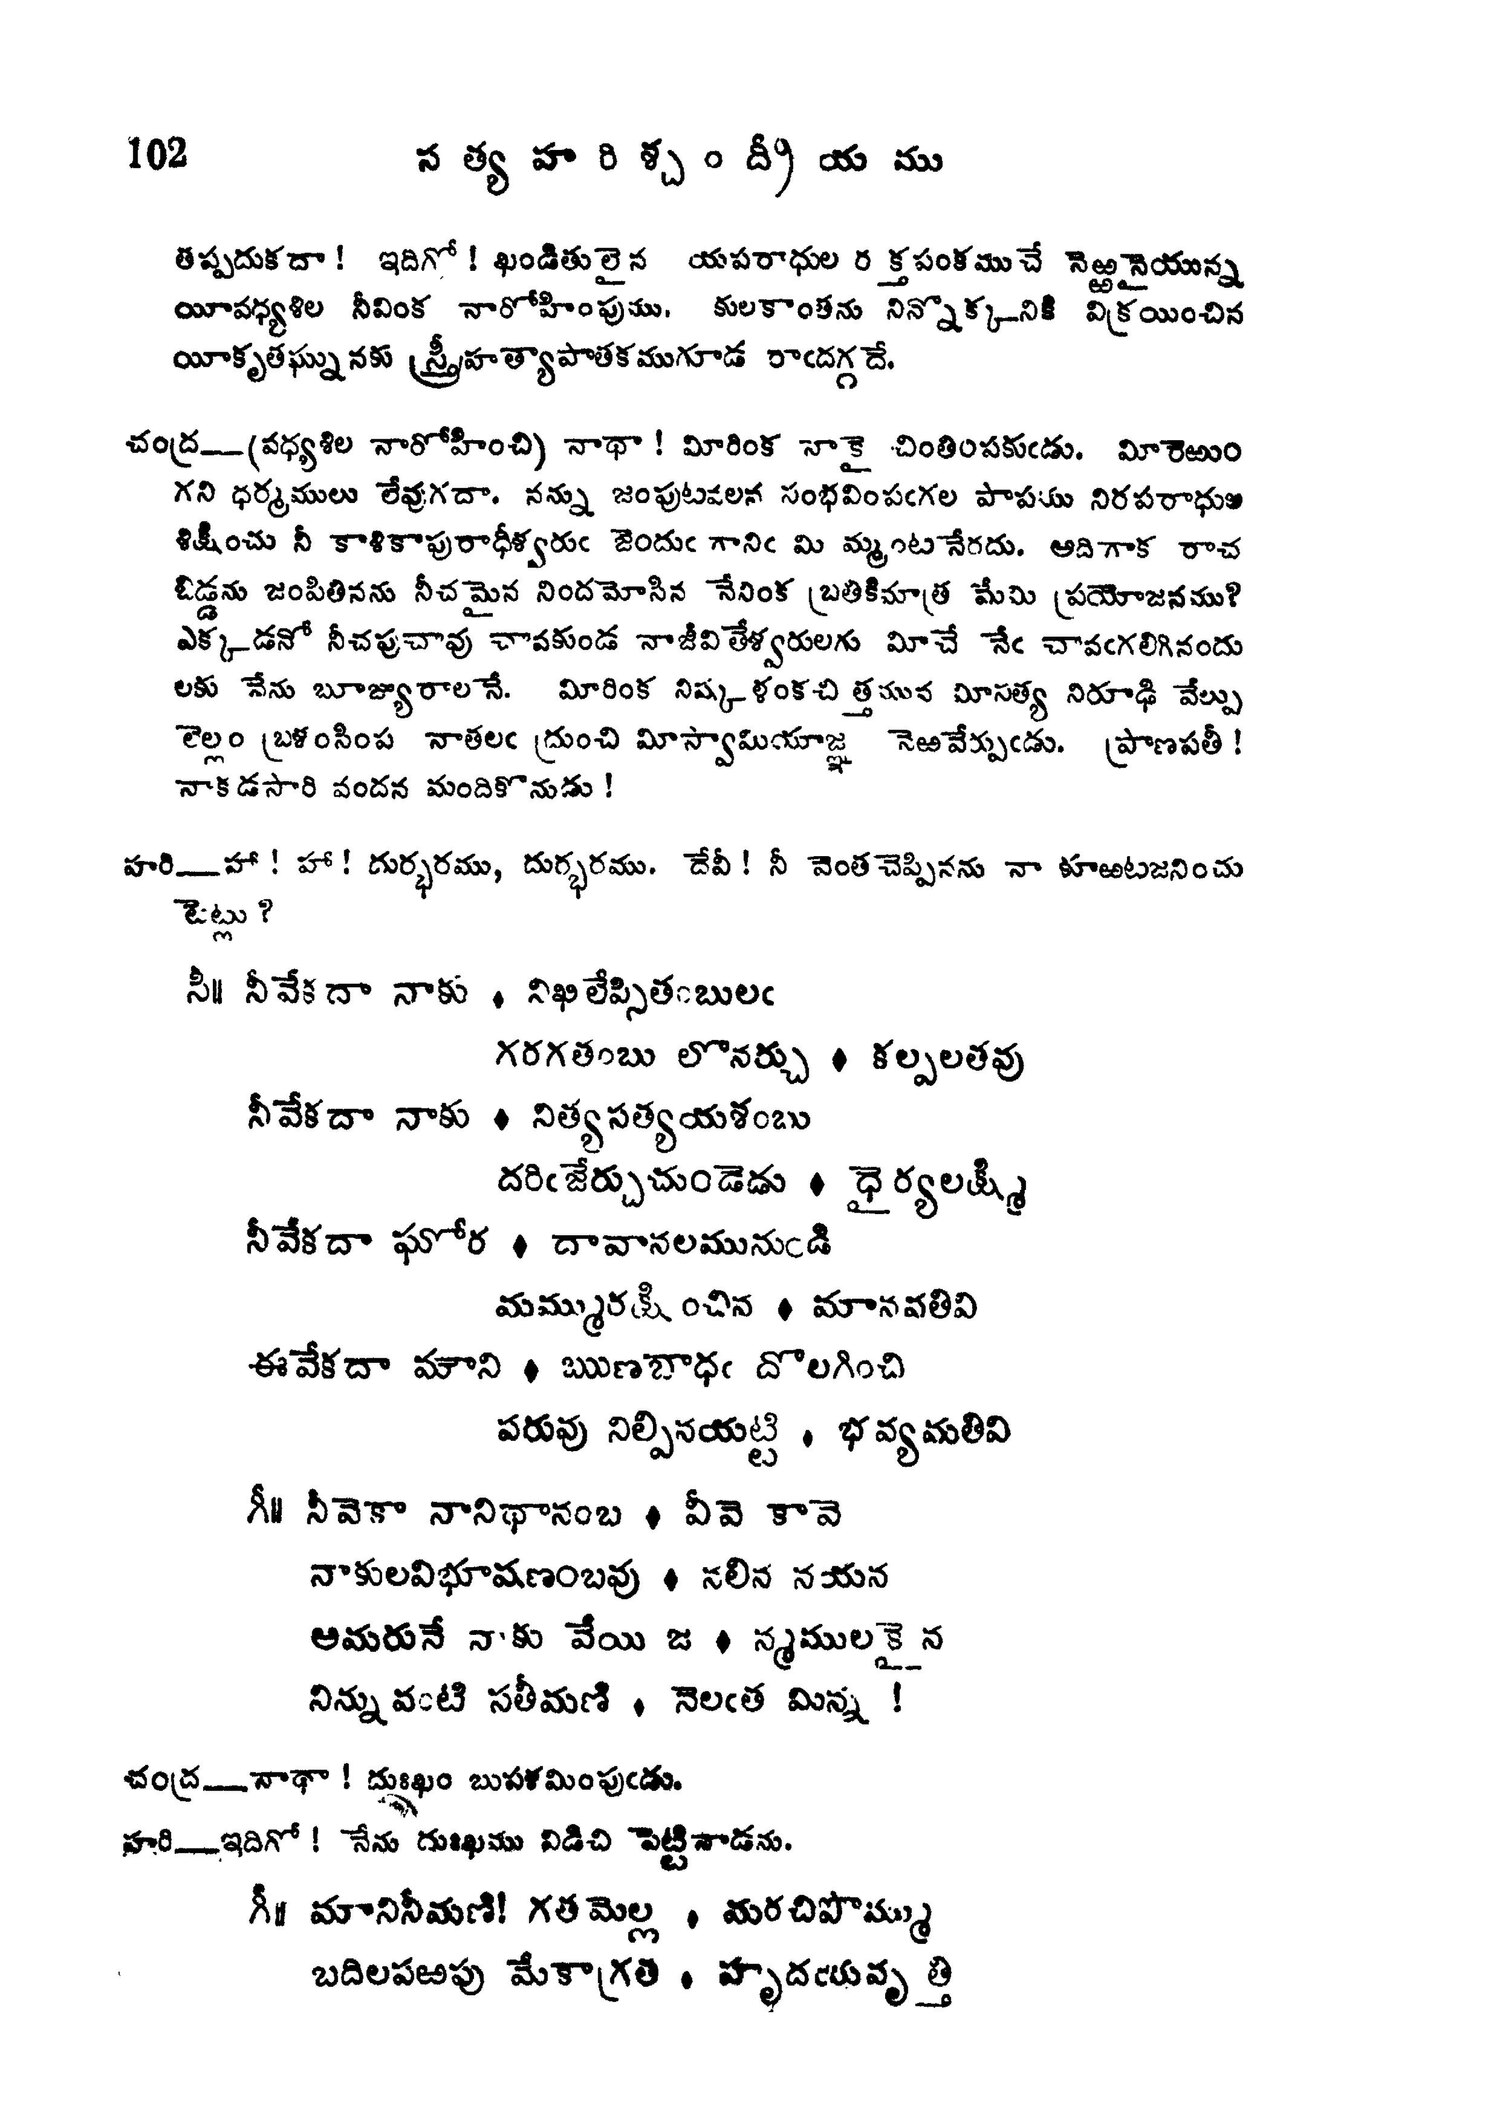తప్పదు గదా! ఇదిగో, ఖండితులైన యపరాధుల రక్త పంకముచే నెఱ్రనై యున్న యీ వధ్యశిల నీ వింక నారోహింపుము. కులకాంతను నిన్నొక్కనికి విక్రయించిన యీ కృతఘ్నునకు స్త్రీ హత్యా పాతకము గూడ రాఁదగ్గదే!

చంద్ర - 	(వధ్యశిల నారోహించి) నాథా! మీరింక నాకై చింతింపకుడు. మీ రెఱుగని ధర్మము లేదు గదా! నన్ను జంపుట వలన సంభవింపగల పాపము నిరపరాధుల శిక్షించు నీ కాశికాపురాధీశ్వరు జెందుగాని మిమ్మంట నేరదు. అదిగాక, రాచబిడ్డను జంపితినను నీచమైన నిందను మోసిన నేనింక బ్రతికి మాత్రమేమి ప్రయోజనము. ఎక్కడనో నీచపు జావు చావకుండగా జీవితేశ్వరులగు మీ చేతనే చావఁ గలిగినందులకు నేను బూజ్యురాలనే. మీరింక నిష్కళంకచిత్తమున మీ సత్యనిరూఢి వేల్పులెల్లం బ్రశంసింప నా తలద్రుంచి మీ స్వామి యాజ్ఞ నెఱ వేర్పుడు. ప్రాణపతీ! నా కడసారి వందనమందుకొనుడు.

హరి - 	హా! హా!దుర్భరము దేవీ! నీవెంత చెప్పినను నాకూఱట జనించుటెట్లు?

సీ. నీవేకదా నాకు నిఖిలేప్సితంబుల
 నవగతంబు లొనర్చు కల్పలతవు
నీవుగదా నాకు నిత్యసత్యయశంబు
 దరిచేర్చుచుండెడు ధైర్యలక్ష్మి
నీవెకదా ఘోర దావానలమునుండి
 మమ్ము రక్షించిన మానవతివి
నీవె గదా మౌని ఋణబాధఁ దొలఁగించి
 పరువు నిల్పిన యట్టి భవ్యమతివి

గీ. 	 నీవెకా నానిధానంబ నీవెకావె
 నాకులవిభీషణంబవు నీవెకావె
 అమరునే నాకు వేయి జన్మములకైన
 నిన్ను వంటి సతీమణి నెలఁతమిన్న?

చంద్ర - 	నాథా! దుఃఖం బుపశమింపుడు.

హరి - 	ఇదిగో! నేను దుఃఖము విడిచిపెట్టినాఁడను.

గీ. 	మానినీమణి! గతమెల్ల మఱచిపొమ్ము
పదిలపఱుపు మేకాగ్రత హృదయవృత్తి